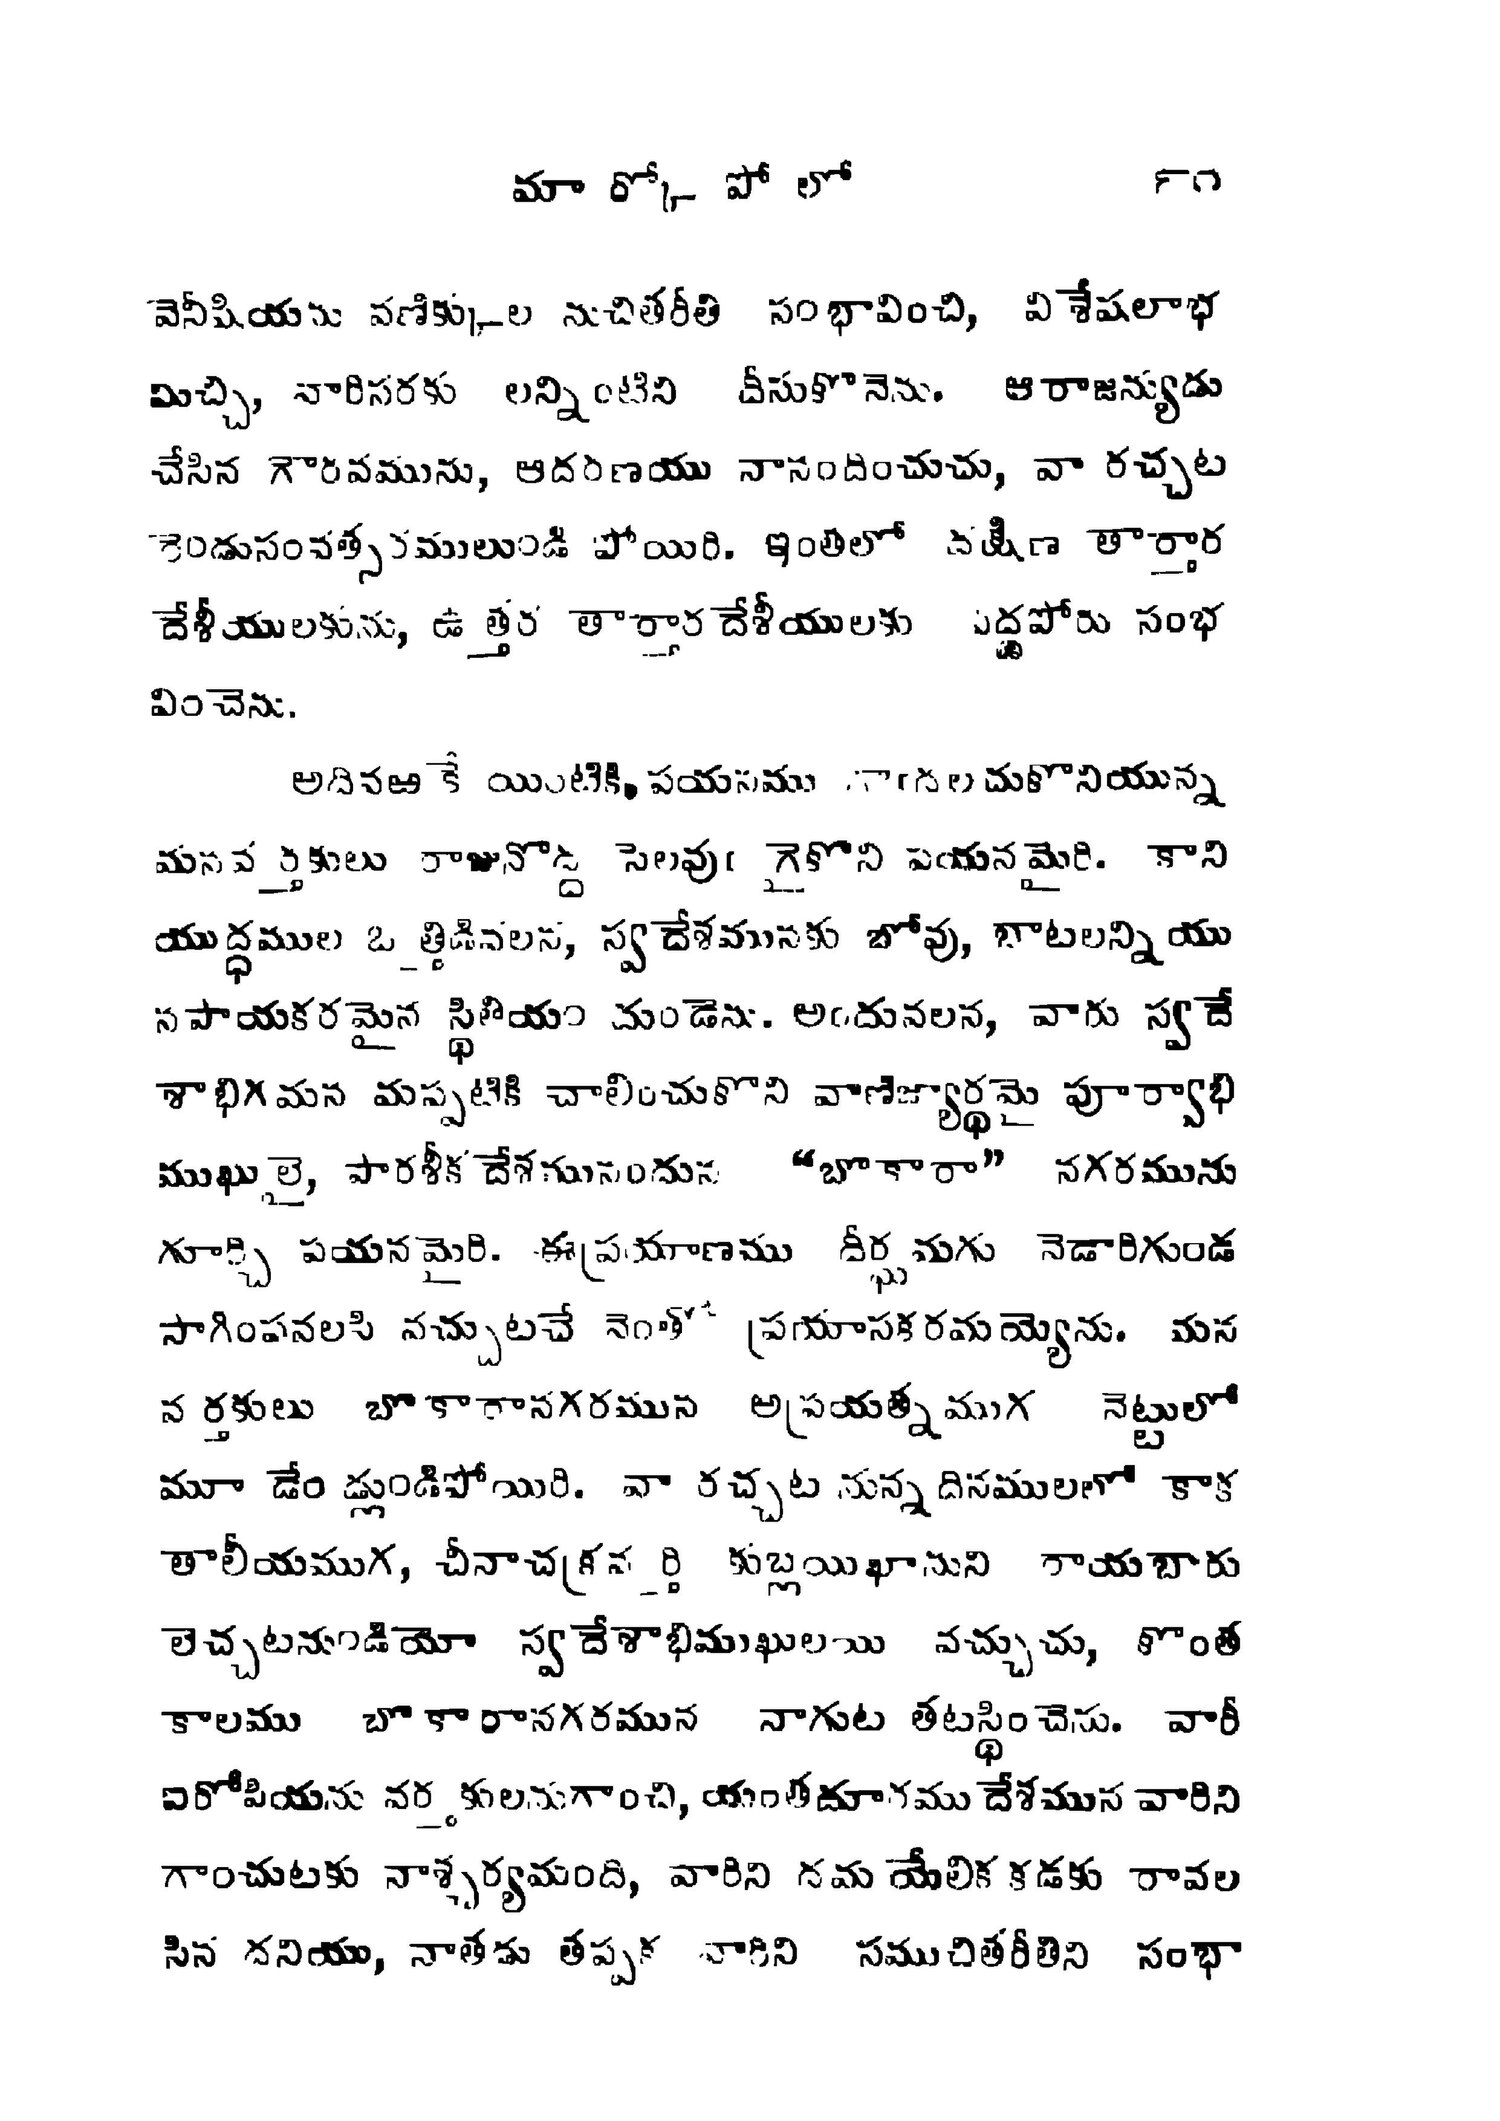వెనీషియను వణిక్కుల నుచితరీతి సంభావించి, విశేషలాభమిచ్చి, వారిసరకు లన్నింటిని దీసుకొనెను. ఆరాజన్యుడు చేసిన గౌరవమును, ఆదరణయు నానందించుచు, వా రచ్చట రెండుసంవత్సరములుండి పోయిరి. ఇంతలో దక్షిణ తార్తార దేశీయులకును, ఉత్తర తార్తారదేశీయులకు పెద్దపోరు సంభవించెను.

అదివఱకే యింటికి పయనము గాదలచుకొనియున్న మనవర్తకులు రాజునొద్ద సెలవు గైకొని పయనమైరి. కాని యుద్ధముల ఒత్తిడి వలన, స్వదేశమునకు బోవు, బాటలన్నియు నపాయకరమైన స్థితియం దుండెను. అందువలన, వారు స్వదేశాభిగమన మప్పటికి చాలించుకొని వాణిజ్యార్థమై పూర్వాభిముఖులై, పారశీకదేశమునందున "బొకారా" నగరమును గూర్చి పయనమైరి. ఈప్రయాణము దీర్ఘమగు నెడారిగుండ సాగింపవలసి వచ్చుటచే నెంతో ప్రయాసకరమయ్యెను. మన వర్తకులు బొకారానగరమున అప్రయత్నముగ నెట్టులో మూ డేండ్లుండిపోయిరి. వా రచ్చట నున్నదినములలో కాక తాలీయముగ, చీనాచక్రవర్తి కుబ్లయిఖానుని రాయబారు లెచ్చటనుండియో స్వదేశాభిముఖులయి వచ్చుచు, కొంతకాలము బొకారానగరమున నాగుట తటస్థించెను. వారీ ఐరోపియను వర్తకులనుగాంచి, యంతదూరము దేశమున వారిని గాంచుటకు నాశ్చర్యమంది, వారిని దమ యేలిక కడకు రావలసిన దనియు, నాతడు తప్పక వారిని సముచితరీతిని సంభా